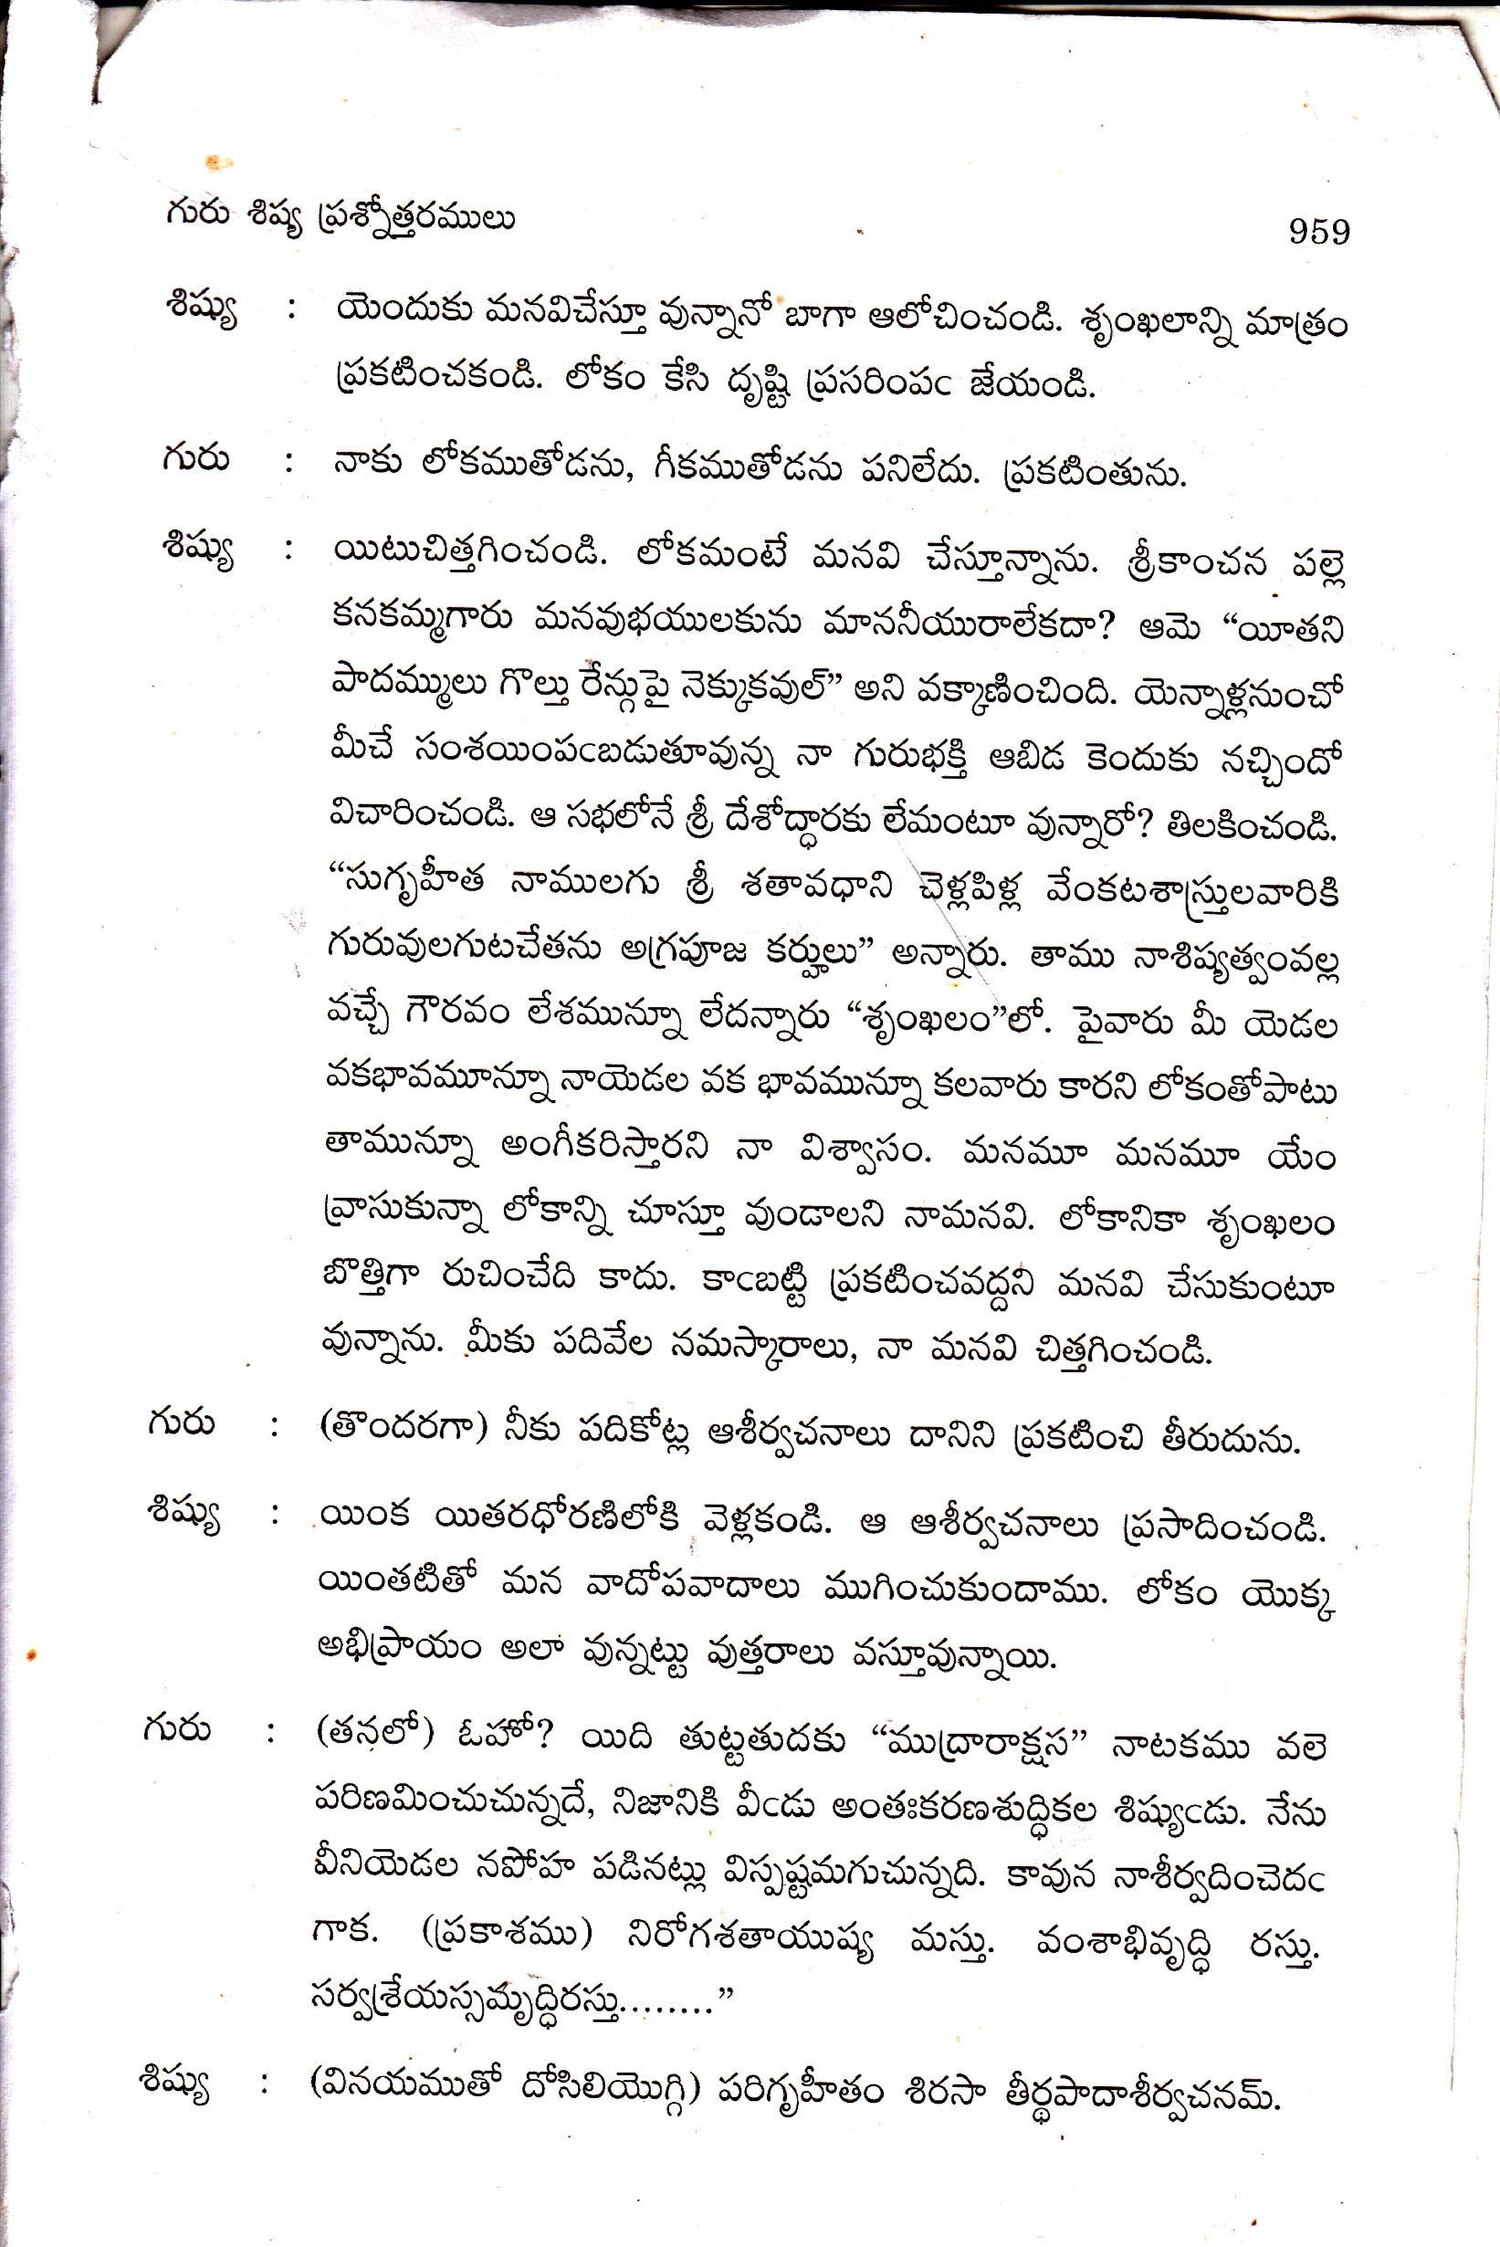శిష్యు : యెందుకు మనవిచేస్తూ వున్నానో బాగా ఆలోచించండి. శృంఖలాన్ని మాత్రం ప్రకటించకండి. లోకం కేసి దృష్టి ప్రసరింపఁ జేయండి.

గురు : నాకు లోకముతోడను, గీకముతోడను పనిలేదు. ప్రకటింతును.

శిష్యు : యిటుచిత్తగించండి. లోకమంటే మనవి చేస్తూన్నాను. శ్రీకాంచన పల్లె కనకమ్మగారు మనవుభయులకును మాననీయురాలేకదా? ఆమె "యీతని పాదమ్ములు గొల్తు రేన్గుపై నెక్కుకవుల్" అని వక్కాణించింది. యెన్నాళ్లనుంచో మీచే సంశయింపఁబడుతూవున్న నా గురుభక్తి ఆబిడ కెందుకు నచ్చిందో విచారించండి. ఆ సభలోనే శ్రీ దేశోద్ధారకు లేమంటూ వున్నారో? తిలకించండి. "సుగృహీత నాములగు శ్రీ శతావధాని చెళ్లపిళ్ల వేంకటశాస్త్రులవారికి
గురువులగుటచేతను అగ్రపూజ కర్హులు" అన్నారు. తాము నాశిష్యత్వంవల్ల వచ్చే గౌరవం లేశమున్నూ లేదన్నారు "శృంఖలం"లో, పైవారు మీ యెడల వకభావమూన్నూ నాయెడల వక భావమున్నూ కలవారు కారని లోకంతోపాటు తామున్నూ అంగీకరిస్తారని నా విశ్వాసం. మనమూ మనమూ యేం వ్రాసుకున్నా లోకాన్ని చూస్తూ వుండాలని నామనవి. లోకానికా శృంఖలం బొత్తిగా రుచించేది కాదు. కాఁబట్టి ప్రకటించవద్దని మనవి చేసుకుంటూ వున్నాను. మీకు పదివేల నమస్కారాలు, నా మనవి చిత్తగించండి.

గురు : (తొందరగా) నీకు పదికోట్ల ఆశీర్వచనాలు దానిని ప్రకటించి తీరుదును.

శిష్యు : యింక యితరధోరణిలోకి వెళ్లకండి. ఆ ఆశీర్వచనాలు ప్రసాదించండి. యింతటితో మన వాదోపవాదాలు ముగించుకుందాము. లోకం యొక్క అభిప్రాయం అలా వున్నట్లు వుత్తరాలు వస్తూవున్నాయి.

గురు : (తనలో) ఓహో? యిది తుట్టతుదకు “ముద్రారాక్షస" నాటకము వలె పరిణమించుచున్నదే, నిజానికి వీఁడు అంతఃకరణశుద్ధికల శిష్యుఁడు. నేను వీనియెడల నపోహ పడినట్లు విస్పష్టమగుచున్నది. కావున నాశీర్వదించెదఁ గాక. (ప్రకాశము) నిరోగశతాయుష్య మస్తు. వంశాభివృద్ధి రస్తు. సర్వశ్రేయస్సమృద్ధిరస్తు......."

శిష్యు : (వినయముతో దోసిలియొగ్గి) పరిగృహీతం శిరసా తీర్థపాదాశీర్వచనమ్.